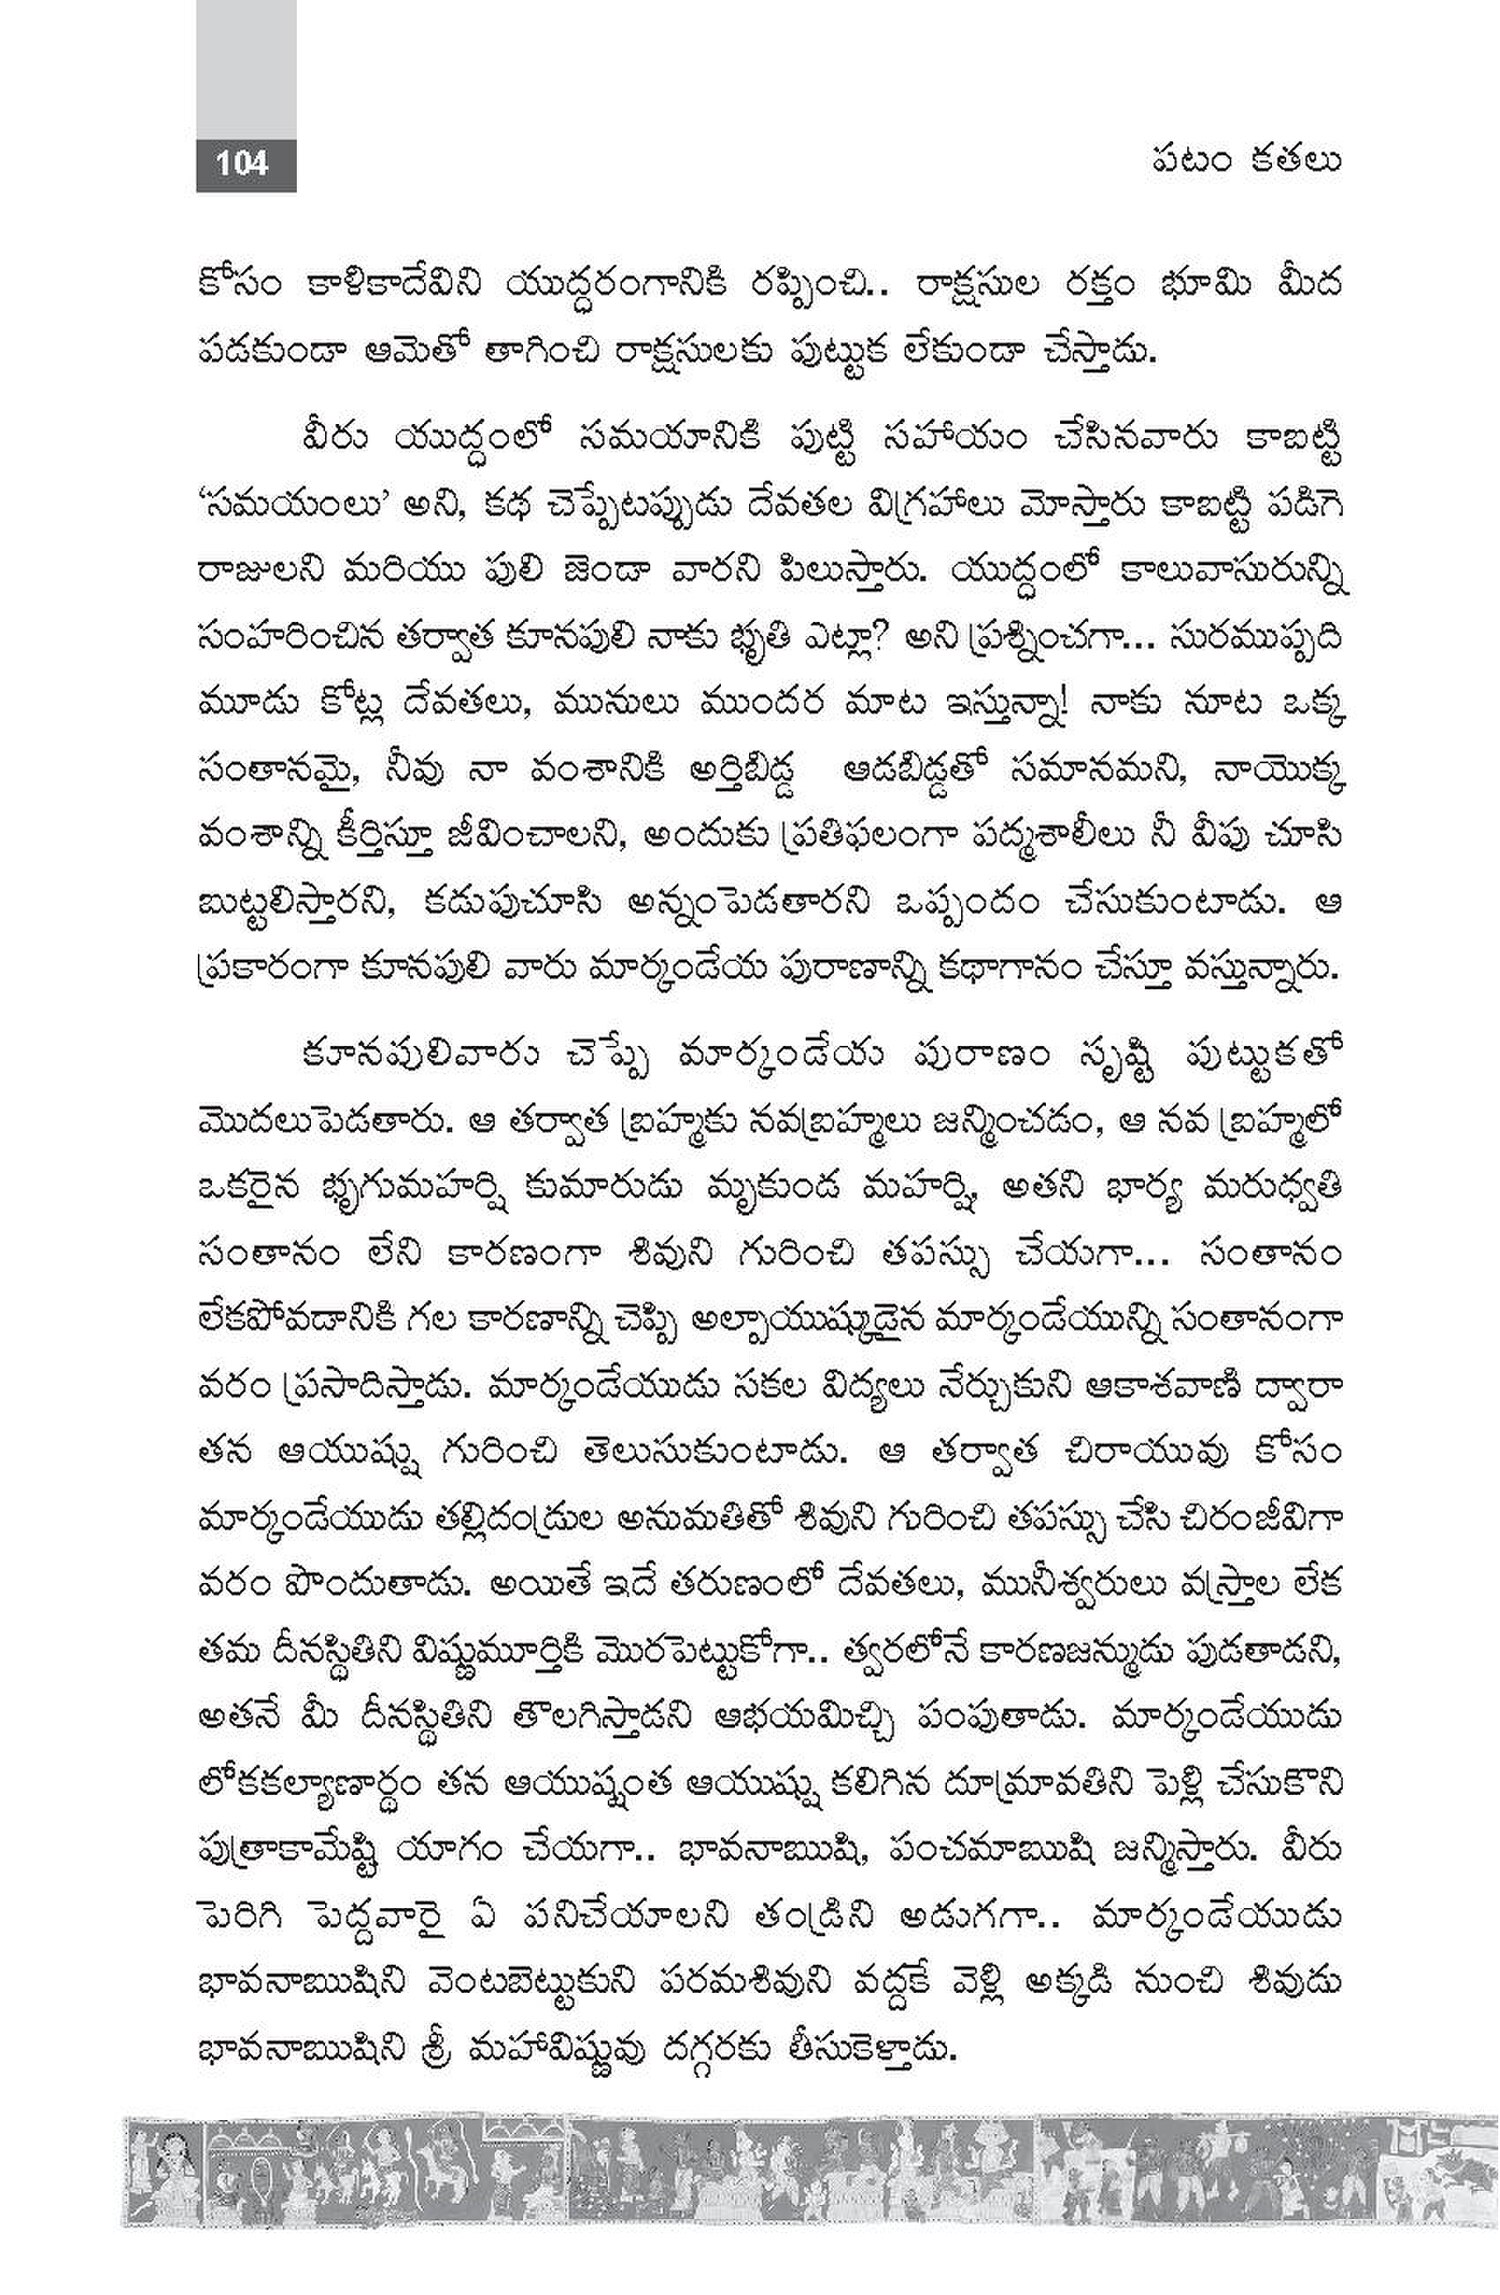కోసం కాళికాదేవిని యుద్ధరంగానికి రప్పించి.. రాక్షసుల రక్తం భూమి మీద పడకుండా ఆమెతో తాగించి రాక్షసులకు పుట్టుక లేకుండా చేస్తాడు.

వీరు యుద్ధంలో సమయానికి పుట్టి సహాయం చేసినవారు కాబట్టి 'సమయంలు' అని, కథ చెప్పేటప్పుడు దేవతల విగ్రహాలు మోస్తారు కాబట్టి పడిగె రాజులని మరియు పులి జెండా వారని పిలుస్తారు. యుద్ధంలో కాలువాసురున్ని
సంహరించిన తర్వాత కూనపులి నాకు భృతి ఎట్లా? అని ప్రశ్నించగా... సురముప్పది మూడు కోట్ల దేవతలు, మునులు ముందర మాట ఇస్తున్నా! నాకు నూట ఒక్క సంతానమై, నీవు నా వంశానికి అర్తిబిడ్డ ఆడబిడ్డతో సమానమని, నాయొక్క
వంశాన్ని కీర్తిస్తూ జీవించాలని, అందుకు ప్రతిఫలంగా పద్మశాలీలు నీ వీపు చూసి బుట్టలిస్తారని, కడుపుచూసి అన్నం పెడతారని ఒప్పందం చేసుకుంటాడు. ఆ ప్రకారంగా కూనపులి వారు మార్కండేయ పురాణాన్ని కథాగానం చేస్తూ వస్తున్నారు.

కూనపులివారు చెప్పే మార్కండేయ పురాణం సృష్టి పుట్టుకతో మొదలుపెడతారు. ఆ తర్వాత బ్రహ్మకు నవబ్రహ్మలు జన్మించడం, ఆ నవ బ్రహ్మలో ఒకరైన భృగుమహర్షి కుమారుడు మృకుండ మహర్షి, అతని భార్య మరుధ్వతి సంతానం లేని కారణంగా శివుని గురించి తపస్సు చేయగా... సంతానం లేకపోవడానికి గల కారణాన్ని చెప్పి అల్పాయుష్కుడైన మార్కండేయున్ని సంతానంగా వరం ప్రసాదిస్తాడు. మార్కండేయుడు సకల విద్యలు నేర్చుకుని ఆకాశవాణి ద్వారా తన ఆయుష్షు గురించి తెలుసుకుంటాడు. ఆ తర్వాత చిరాయువు కోసం మార్కండేయుడు తల్లిదండ్రుల అనుమతితో శివుని గురించి తపస్సు చేసి చిరంజీవిగా వరం పొందుతాడు. అయితే ఇదే తరుణంలో దేవతలు, మునీశ్వరులు వస్త్రాల లేక తమ దీనస్థితిని విష్ణుమూర్తికి మొరపెట్టుకోగా.. త్వరలోనే కారణజన్ముడు పుడతాడని, అతనే మీ దీనస్థితిని తొలగిస్తాడని అభయమిచ్చి పంపుతాడు. మార్కండేయుడు లోకకల్యాణార్ధం తన ఆయుష్షంత ఆయుష్షు కలిగిన దూమ్రావతిని పెళ్లి చేసుకొని పుత్రాకామేష్టి యాగం చేయగా.. భావనాఋషి, పంచమాఋషి జన్మిస్తారు. వీరు పెరిగి పెద్దవారై ఏ పనిచేయాలని తండ్రిని అడుగగా.. మార్కండేయుడు భావనాఋషిని వెంటబెట్టుకుని పరమశివుని వద్దకే వెళ్లి అక్కడి నుంచి శివుడు భావనాఋషిని శ్రీ మహావిష్ణువు దగ్గరకు తీసుకెళ్తాడు.